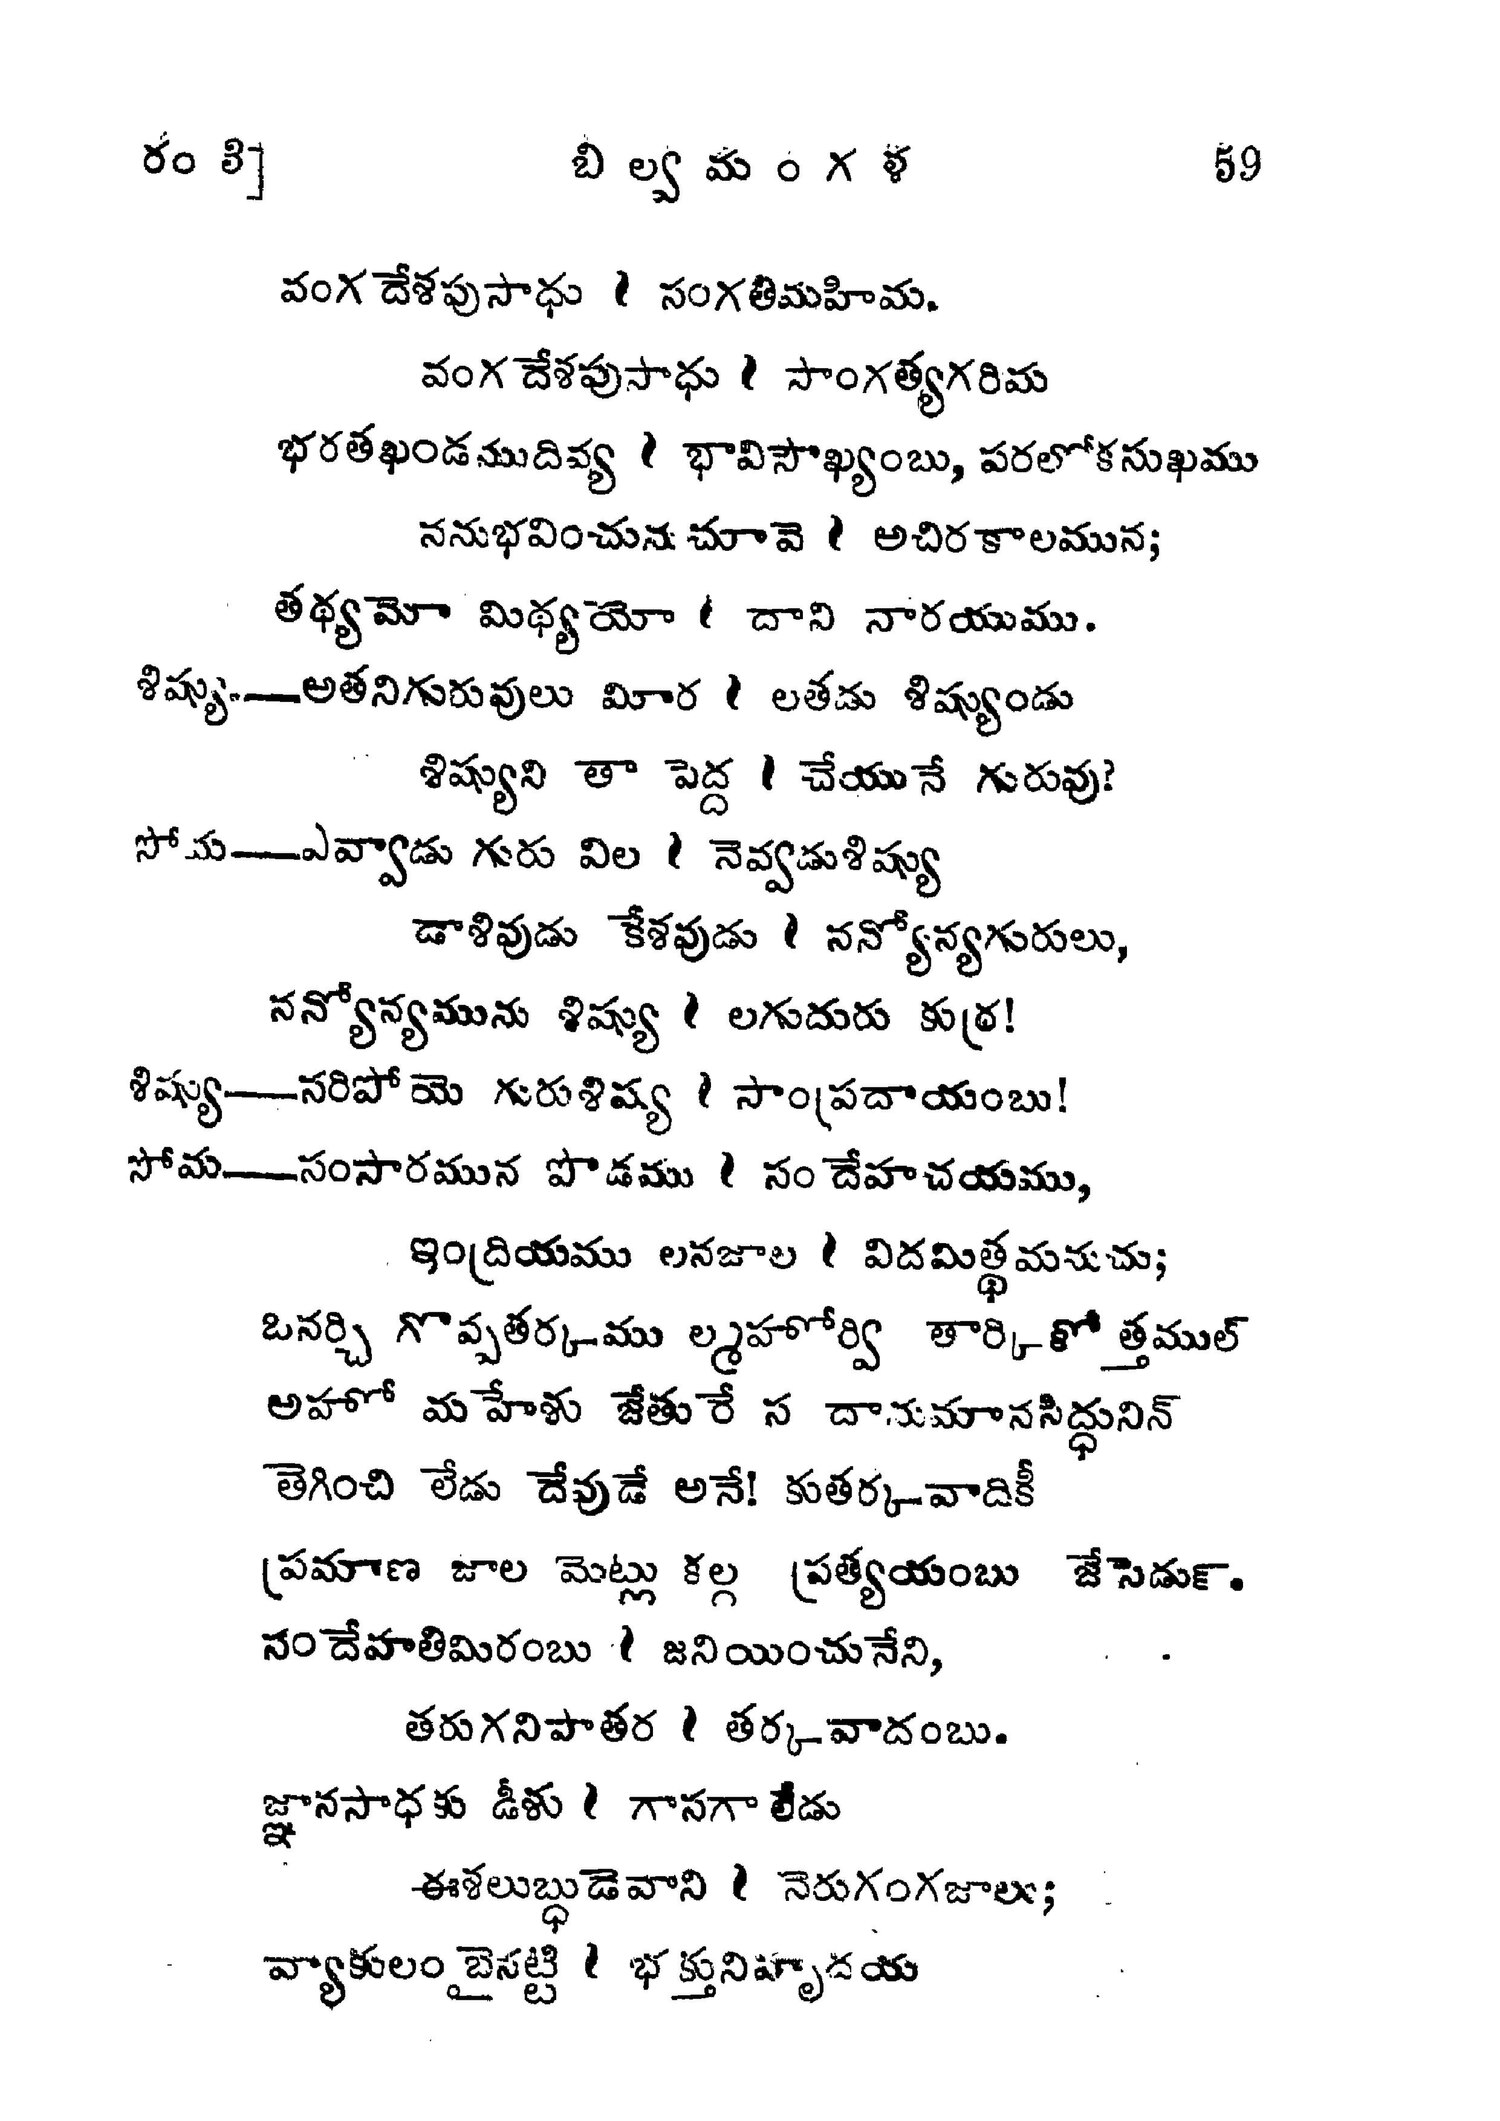వంగదేశపుసాధు ♦ సంగతిమహిమ.
 వంగదేశపుసాధు ♦ సాంగత్యగరిమ
 భరతఖండముదివ్య ♦ భావిసౌఖ్యంబు, పరలోకసుఖము
 ననుభవించునుచూపె ♦ అచిరకాలమున;
 తథ్యమో మిథ్యయో ♦ దాని నారయము.

 శిష్యు. - అతనిగురువులు మీర ♦ లతడు శిష్యుండు
 శిష్యుని తా పెద్ద ♦ చేయునే గురువు?
 సోమ - ఎవ్వాడు గురు విల ♦ నెవ్వడుశిష్యు
 డాశివుడు కేశవుడు ♦ నన్యోన్యగురువులు,
 నన్యోన్యమును శిష్యు ♦ లగుదురు కుర్ర!
 శిష్యు - సరిపోయె గురుశిష్య ♦ సాంప్రదాయంబు!
 సోమ - సంసారమున పొడము ♦ సందేహచయము;
 ఇంద్రియము లనజాల ♦ విదమిత్థమనుచు;
 ఒనర్చి గొప్పతర్కము ల్మహోర్వి తార్కికోత్తముల్
 అహో మహేశు జేతురే స దానుమానసిద్ధునిన్
 తెగించి లేడు దేవుడే అనే! కుతర్కవాదికీ
 ప్రమాణ జాల మెట్లు కల్గ ప్రత్యంబు జేసెడున్.
 సందేహతిమిరంబు ♦ జనియించునేని,
 తరుగనిపాతర ♦ తర్కవాదంబు.
 జ్ఞానసాధకు డీశు ♦ గానగా లేడు
 ఈశలుబ్ధుడెవాని ♦ నెరుగంగజాలు;
 వ్యాకులంబైనట్టి ♦ భక్తునిహృదయ